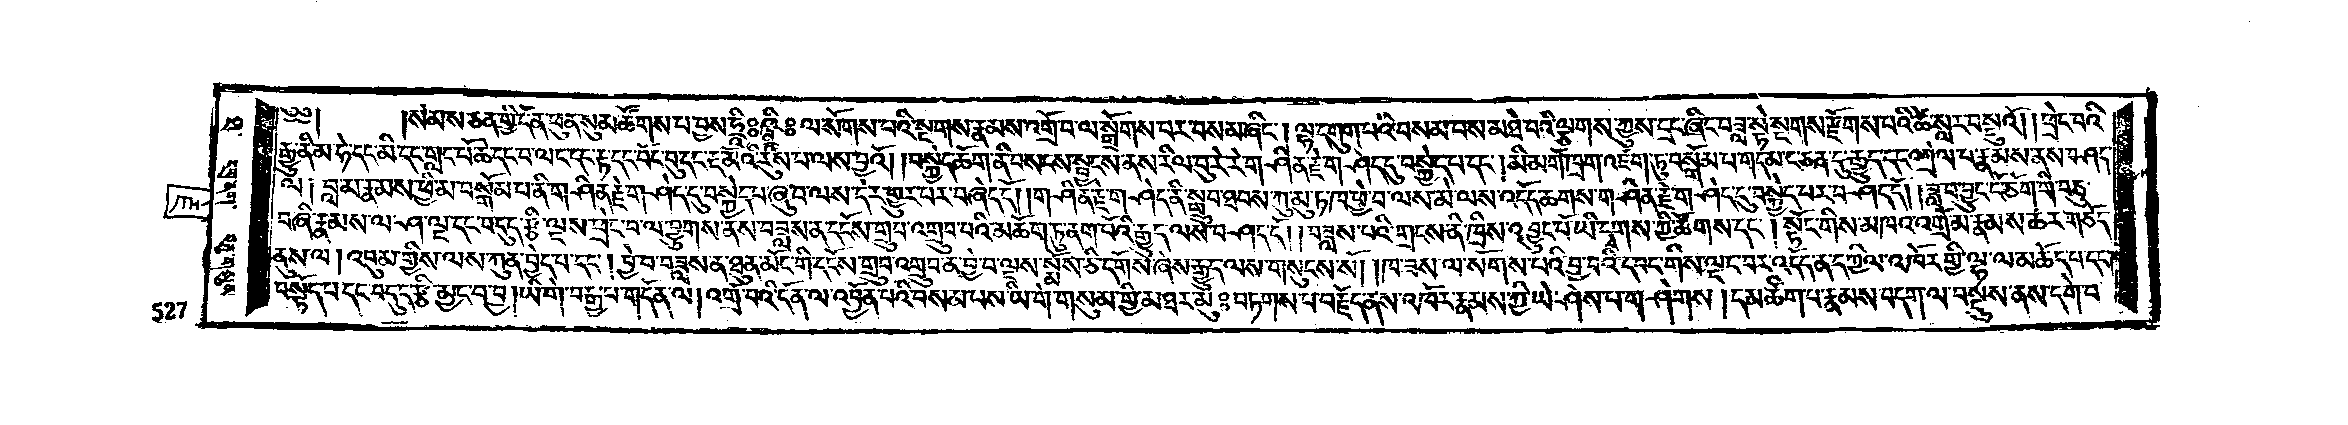༄༅། །སེམས་ཅན་གྱི་དོན་ཕུན་སུམ་ཚོགས་པ་བྱས་ཧྲཱིཿ ཥྚྲཱིཿ ལ་སོགས་པའི་སྔགས་རྣམས་འགྲོ་བ་ལ་སྒྲོགས་པར་བསམ་ཞིང་། ལྷ་དགུག་པའི་བསམ་པས་མཐེ་བོའི་ལྕགས་ཀྱུས་དྲང་ཞིང་བཟླ་སྟེ་སྔགས་རྫོགས་པའི་ཚེ་སླར་བསྡུའི། །ཕྲེང་བའི་
རྒྱུ་ནི་མ་ཧེ་དང་མི་དང་གླང་པོ་ཆེ་དང་བ་ལང་དང་རྟ་དང་བོང་བུ་དང་རྔ་མོའི་རུས་པ་ལས་བྱའོ། །བསྐྱེད་ཆོག་ནི་བསངས་སྦྱངས་ནས་རིལ་བུ་རེ་རེ་གཤིན་རྗེ་གཤེད་དུ་བསྐྱེད་པ་དང་། མི་མགོ་ཁྲག་འཛག་ཏུ་བསྒོམ་པ་གདམ་ང་ཅན་དུ་རྒྱུད་དང་འགྲེལ་བ་རྣམས་ནས་བཤད་
ལ། བླ་མ་རྣམས་ཕྱི་མ་བསྒོམ་པ་ནི་གཤིན་རྗེ་གཤེད་དུ་བསྐྱེད་པ་ཞུ་བ་ལས་དེར་གྱུར་པར་བཞེད་དོ། །གཤིན་རྗེ་གཤེད་ནི་སྒྲུབ་ཐབས་ཀུ་མུ་ཏ་ཁ་ཕྱེ་བ་ལས་མེ་ལས་འདོད་ཆགས་གཤིན་རྗེ་གཤེད་དུ་བསྐྱེད་པར་བཤད་དོ། །ཟླ་བ་བྱུང་ངོ་ཅོག་གི་བཅུ་
བཞི་རྣམས་ལ་ཤ་ལྔ་དང་བདུད་རྩི་ལྔས་ཕྲེང་བ་ལ་བྱུགས་ནས་བཟླས་ན་དངོས་གྲུབ་འགྲུབ་པའི་མཆོག་ཏུ་ནག་པོའི་རྒྱུད་ལས་བཤད་དོ། །བཟླས་པའི་གྲངས་ནི་ཁྲིས་འབྱུང་པོ་ཡི་དྭགས་ཀྱི་ཚོགས་དང་། སྟོང་གིས་མཁའ་འགྲོ་མ་རྣམས་ཚར་གཅོད་
ནུས་ལ། འབུམ་གྱིས་ལས་ཀུན་བྱེད་པ་དང་། བྱེ་བ་བཟླས་ན་ཐུན་མོང་གི་དངོས་གྲུབ་འགྲུབ་ན་བྱེ་པ་ལྔས་སྨོས་ཅི་དགོས་ཞེས་རྒྱུད་ལས་གསུངས་སོ། །ཁ་ཟས་ལ་སོགས་པའི་བྱ་བའི་དབང་གིས་ལྡང་བར་འདོད་ན་དཀྱིལ་འཁོར་གྱི་ལྷ་ལ་མཆོད་པ་དང་།
བསྟོད་པ་དང་བདུད་རྩི་མྱང་བ་བྱ། ཡི་གེ་བརྒྱ་པ་གདོན་ལ། འགྲོ་བའི་དོན་ལ་འབྱོན་པའི་བསམ་པས་ཡི་གེ་གསུམ་གྱི་མཐར་མུཿ བཏགས་པ་བརྗོད་ནས་འཁོར་རྣམས་ཀྱི་ཡེ་ཤེས་པ་གཤེགས། དམ་ཚིག་པ་རྣམས་བདག་ལ་བསྡུས་ནས་དགེ་བ་